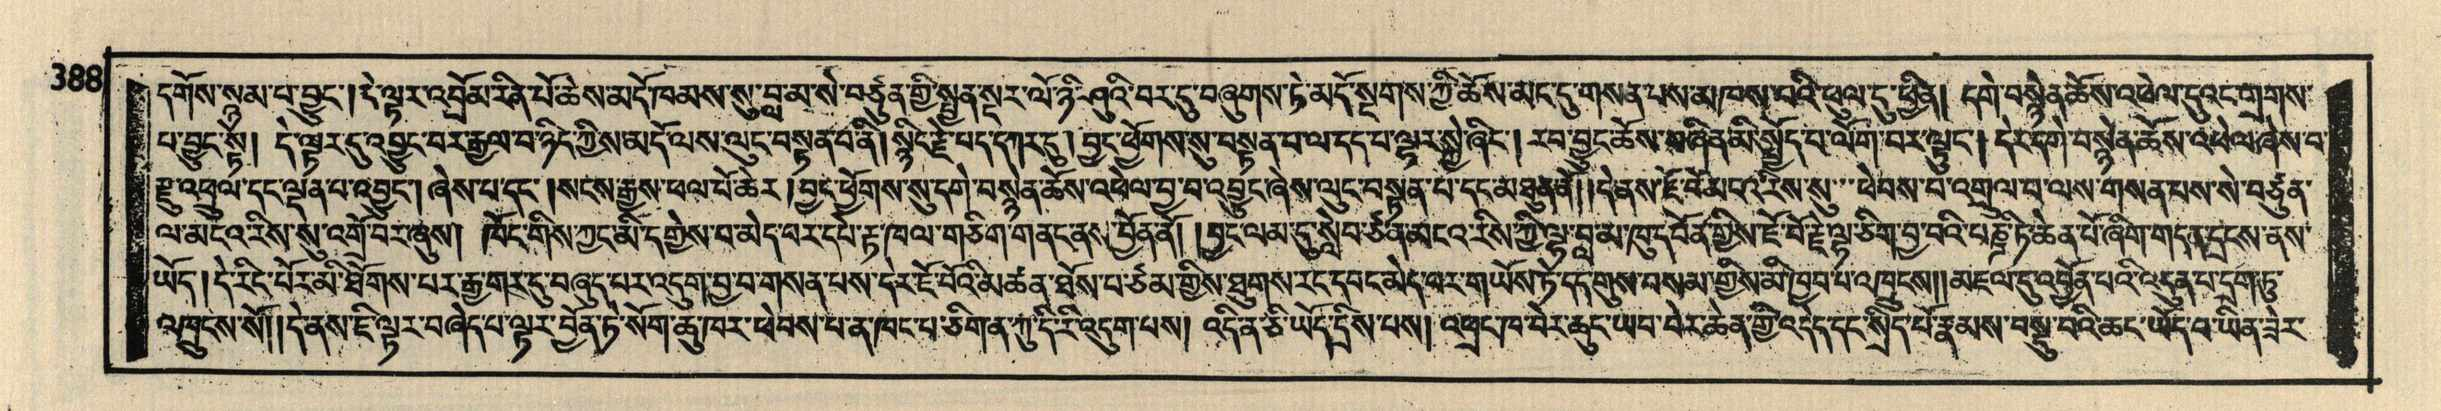དགོས་སྙམ་པ་བྱུང་། དེ་ལྟར་འབྲོམ་རིན་པོ་ཆེས་མདོ་ཁམས་སུ་བླ་མ་སེ་བཙུན་གྱི་སྤྱན་སྔར་ལོ་ཉི་ཤུའི་བར་དུ་བཞུགས་ཏེ་མདོ་སྔགས་ཀྱི་ཆོས་མང་དུ་གསན་པས་མཁས་པའི་ཕུལ་དུ་ཕྱིན། དགེ་བསྙེན་ཆོས་འཕེལ་དུའང་གྲགས་
པ་བྱུང་སྟེ། དེ་ལྟར་དུ་འབྱུང་བར་རྒྱལ་བ་ཉིད་ཀྱིས་མདོ་ལས་ལུང་བསྟན་བ་ནི། སྙིང་རྗེ་པད་དཀར་དུ། བྱང་ཕྱོགས་སུ་བསྟན་པ་ལ་དད་པ་ལྷར་སྐྱེ་ཞིང་། རབ་བྱུང་ཆོས་བཞིན་མི་སྤྱོད་པ་ལོག་བར་ལྟུང་། དེར་དགེ་བསྙེན་ཆོས་འཕེལ་ཞེས་བ་
རྫུ་འཕྲུལ་དང་ལྡན་པ་འབྱུང་། ཞེས་པ་དང་།སངས་རྒྱས་ཕལ་པོ་ཆེར། །བྱང་ཕྱོགས་སུ་དགེ་བསྙེན་ཆོས་འཕེལ་བྱ་བ་འབྱུང་ཞེས་ལུང་བསྟན་པ་དང་མཐུན་ནོ། །དེ་ནས་ཇོ་བོ་མངའ་རིས་སུ་ཕེབས་པ་འགྲུལ་བ་ལས་གསན་པས་སེ་བཙུན་
ལ་མངའ་རིས་སུ་འགྲོ་བར་ཞུས། ཁོང་གིས་ཀྱང་མི་དགྱེས་བ་མེད་བར་དཔེ་རྟ་ཁལ་གཅིག་གནང་ནས་བྱོན་ནོ། །བྱང་ལམ་དུ་སླེབ་ཙ་ན་མངའ་རིས་ཀྱི་ལྷ་བླ་མ་ཁུ་དཔོན་གྱིས་ཇོ་བོ་རྗེ་ལྷ་ཅིག་བྱ་བའི་པཎྜི་ཏི་ཆེན་པོ་ཞིག་གདན་དྲངས་ནས་
ཡོད། དེ་རིང་པོར་མི་ཐོགས་པར་རྒྱ་གར་དུ་བཞུད་པར་འདུག་བྱ་བ་གསན་པས་དེར་ཇོ་བོའི་མཚན་ཐོས་པ་ཙམ་གྱིས་ཐུགས་རང་དབང་མེད་བར་གཡོས་ཏེ་དད་གུས་བསམ་གྱིས་མི་ཁྱབ་པ་འཁྲུངས། །མཛལ་དུ་འབྱོན་པའི་འདུན་པ་དྲག་ཏུ་
འཁྲུངས་སོ། །དེ་ནས་ཇི་ལྟར་བཞེད་པ་ལྟར་བྱོན་ཏེ་སོག་ཆུ་ཁར་ཕེབས་པ་ན་ཁང་པ་ཅིག་ན་ཀུ་དི་རུ་འདུག་པས། འདི་ན་ཅི་ཡོད་དྲིས་པས། འཕྲང་ཁ་བེར་ཆུང་ཡབ་བེར་ཆེན་གྱི་འདེད་དང་སྲིད་པོ་རྣམས་བསྡུ་བའི་ཆང་ཡོད་བ་ཡིན་ཟེར་